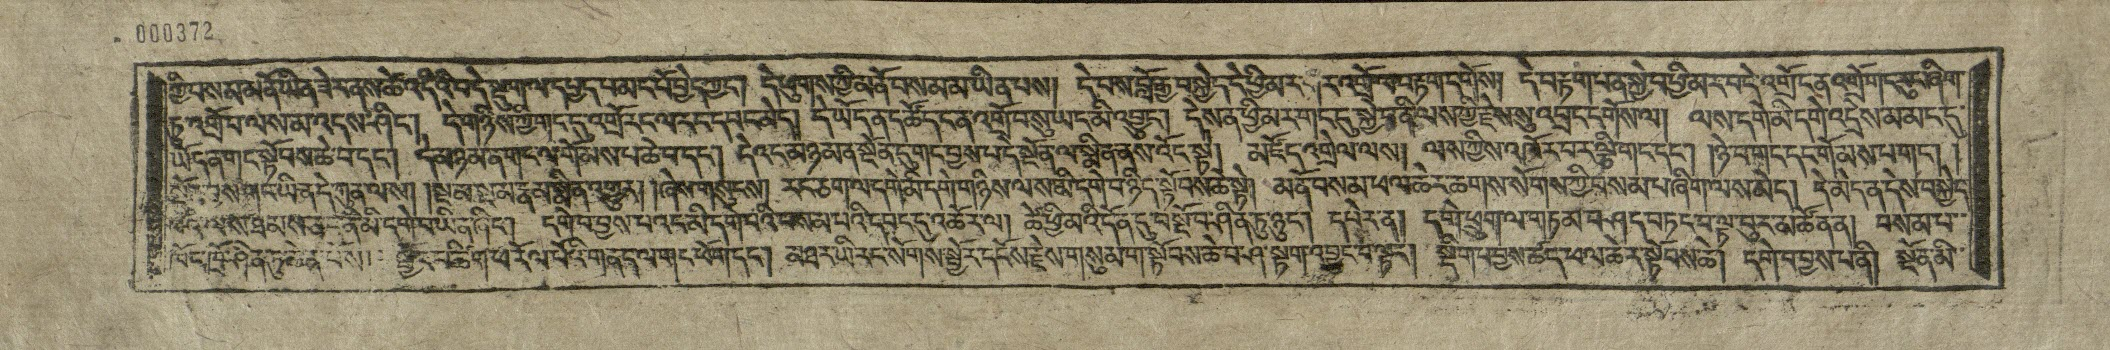ཀྱི་བསམ་མ་ནོ་ཡིན་ཟེར་ནས་ཚེ་འདིའི་བདེ་སྡུག་ལ་དཔྱད་པ་མང་པོ་བྱེད་ཀྱང་། དེ་ཕུགས་ཀྱི་མ་ནོ་བསམ་མ་ཡིན་པས། དེ་བས་བློ་རྒྱ་བསྐྱེད་དེ་ཕྱི་མར་གར་འགྲོ་ལ་བརྟག་དགོས། དེ་བརྟག་པ་ན་སྐྱེ་བ་ཕྱི་མར་བདེ་འགྲོ་ངན་འགྲོ་གང་རུང་ཞིག་
ཏུ་འགྲོ་བ་ལས་མ་འདས་ཤིང་། དེ་གཉིས་ཀྱི་གང་དུ་འགྲོ་རང་ལ་རང་དབང་མེད། དེ་ཡོད་ན་ད་ཚོད་ངན་འགྲོ་བ་སུ་ཡང་མི་འབྱུང་། དེས་ན་ཕྱི་མར་གང་དུ་སྐྱེ་བ་ནི་ལས་ཀྱི་རྗེས་སུ་འབྲང་དགོས་ལ། ལས་དགེ་མི་དགེ་འདྲེས་མ་མང་དུ་
ཡོད་ན་གང་སྟོབས་ཆེ་བ་དང་། དེ་མཉམ་ན་གན་ལ་གོམས་པ་ཆེ་བ་དང་། དེའང་མཉམ་ན་སྔོན་དུ་གང་བྱས་པ་དེ་སྔོན་ལ་སྨིན་ནས་འོང་སྟེ། མཛད་འགྲེལ་ལས། ལས་ཀྱིས་འཁོར་བར་ལྕི་གང་དང་། །ཉེ་བ་གང་དང་གོམས་པ་དང་། །
སྔོན་བྱས་གང་ཡིན་དེ་ཀུན་ལས། །སྔ་མ་སྔ་མ་རྣམ་སྨིན་འགྱུར། །ཞེས་གསུངས། རང་ཅག་ལ་དགེ་མི་དགེ་གཉིས་ལས་མི་དགེ་བ་ཉིད་སྟོབས་ཆེ་སྟེ། མ་ནོ་བསམ་ཕལ་ཆེར་ཆགས་སོགས་ཀྱི་བསམ་པ་ཞིག་ལས་མེད། དེ་མེད་ན་དེས་བསྐྱེད་
པའི་ལས་ཐམས་ཅད་ནི་མི་དགེ་བ་ཡིན་ཞིང་། དགེ་བ་བྱས་པའང་མི་དགེ་བའི་བསམ་པའི་དབང་དུ་འཆོར་ལ། ཚེ་ཕྱི་མའི་དོན་དུ་བསྔོ་བ་ཤིན་ཏུ་ཉུང་། དཔེར་ན། དགེ་ཕྲུག་ལ་གཏམ་བཤད་བཏང་བ་ལྟ་བུར་མཚོན་ན། བསམ་པ་
ཁོང་ཁྲོ་ཤིན་ཏུ་ཆེན་པོས། སྦྱོར་བ་ཚིག་ཕ་རོལ་པོའི་གནད་ལ་གང་ཕོག་དང་། མཐར་ཡི་རང་སོགས་སྦྱོར་དངོས་རྗེས་གསུམ་ག་སྟོབས་ཆེ་བ་ཤ་སྟག་འབྱུང་བ་ལྟར། སྡིག་པ་བྱས་ཚད་ཕལ་ཆེར་སྟོབས་ཆེ། དགེ་བ་བྱས་པ་ནི། སྔོན་མི་